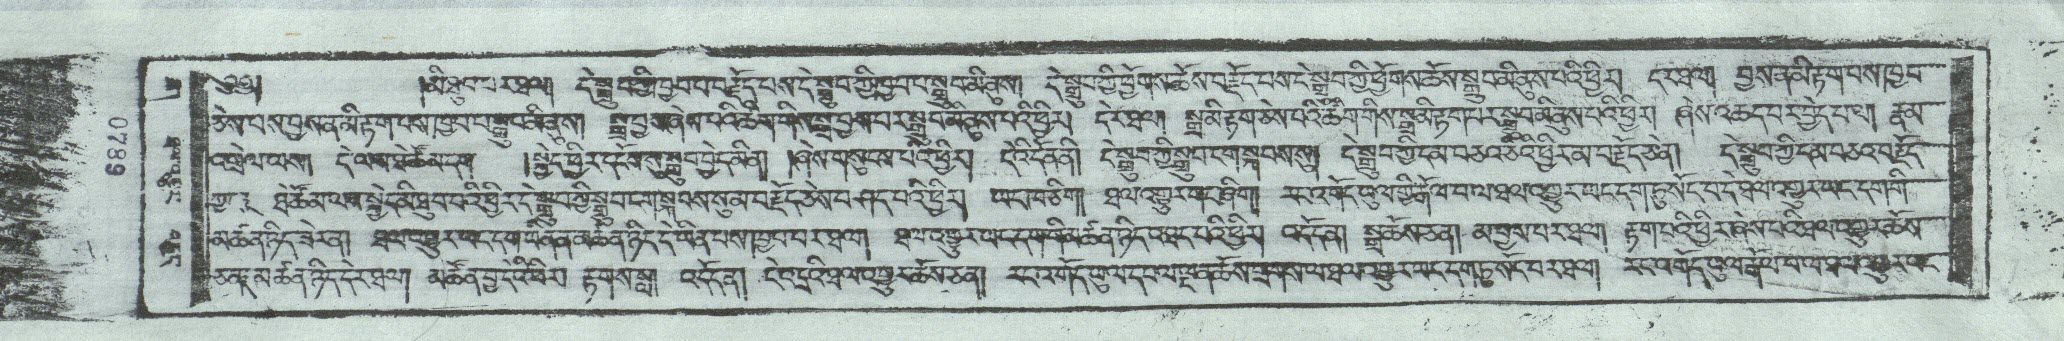༄༅། །མི་ཐུབ་པར་ཐལ། དེ་སྒྲུབ་ཀྱི་ཁྱབ་པ་བརྗོད་པས་དེ་སྒྲུབ་ཀྱི་ཁྱབ་པ་སྒྲུབ་མི་ནུས། དེ་སྒྲུབ་ཀྱི་ཕྱོགས་ཆོས་བརྗོད་པས་དེ་སྒྲུབ་ཀྱི་ཕྱོགས་ཆོས་སྒྲུབ་མི་ནུས་པའི་ཕྱིར། དེར་ཐལ། བྱས་ན་མི་རྟག་པས་ཁྱབ་
ཅེས་པས་བྱས་ན་མི་རྟག་བས་ཁྱབ་པ་སྒྲུབ་མི་ནུས། སྒྲ་བྱས་ཞེས་པའི་ཚིག་གིས་སྒྲ་བྱས་པར་སྒྲུབ་མི་ནུས་པའི་ཕྱིར། དེར་ཐལ། སྒྲ་མི་རྟག་ཅེས་པའི་ཚིག་གིས་སྒྲ་མི་རྟག་པར་སྒྲུབ་མི་ནུས་པའི་ཕྱིར། ཞེས་འཆད་པར་བྱེད་པ་ལ། རྣམ་
འགྲེལ་ལས། དེ་ལས་ཐེ་ཚོམ་དག །སྐྱེད་ཕྱིར་དངོས་སུ་སྒྲུབ་བྱེད་མིན། །ཞེས་གསུངས་པའི་ཕྱིར། དེའི་དོན་ནི། དེ་སྒྲུབ་ཀྱི་སྒྲུབ་ངག་སྐབས་སུ། དེ་སྒྲུབ་ཀྱི་དམ་བཅའ་ཅིའི་ཕྱིར་མ་བརྗོད་ཅེ་ན། དེ་སྒྲུབ་ཀྱི་དམ་བཅའ་བརྗོད་
ཀྱང༑ ཐེ་ཚོམ་ལས་སྐྱེད་མི་ཐུབ་པའི་ཕྱིར་དེ་སྒྲུབ་ཀྱི་སྒྲུབ་ངག་སྐབས་སུ་མ་བརྗོད་ཅེས་བཤད་པའི་ཕྱིར། ཡང་ཁ་ཅིག། ཐལ་འགྱུར་གང་ཞིག། རང་འགོད་ཡུལ་གྱི་རྒོལ་བ་ལ་ཐལ་འགྱུར་ཡང་དག་ཏུ་སོང་བ་དེ་ཐལ་འགྱུར་ཡང་དག་གི་
མཚན་ཉིད་ཟེར་ན། ཐལ་འགྱུར་ཡང་དག་ཡིན་ན་མཚན་ཉིད་དེ་ཡིན་པས་ཁྱབ་པར་ཐལ། ཐལ་འགྱུར་ཡང་དག་གི་མཚན་ཉིད་འཐད་པའི་ཕྱིར། འདོད་ན། སྒྲ་ཆོས་ཅན། མ་བྱས་པར་ཐལ། རྟག་པའི་ཕྱིར་ཞེས་པའི་ཐལ་འགྱུར་ཆོས་
ཅན༑ མཚན་ཉིད་དེར་ཐལ། མཚོན་བྱ་དེའི་ཕྱིར། རྟགས་སླ། འདོད་ན། དེ་འདྲའི་ཐལ་འགྱུར་ཆོས་ཅན། རང་འགོད་ཡུལ་དཔལ་ལྡན་ཆོས་གྲགས་ལ་ཐལ་འགྱུར་ཡང་དག་ཏུ་སོང་བར་ཐལ། རང་འགོད་ཡུལ་རྒོལ་བ་ལ་ཐལ་འགྱུར་ཡང་